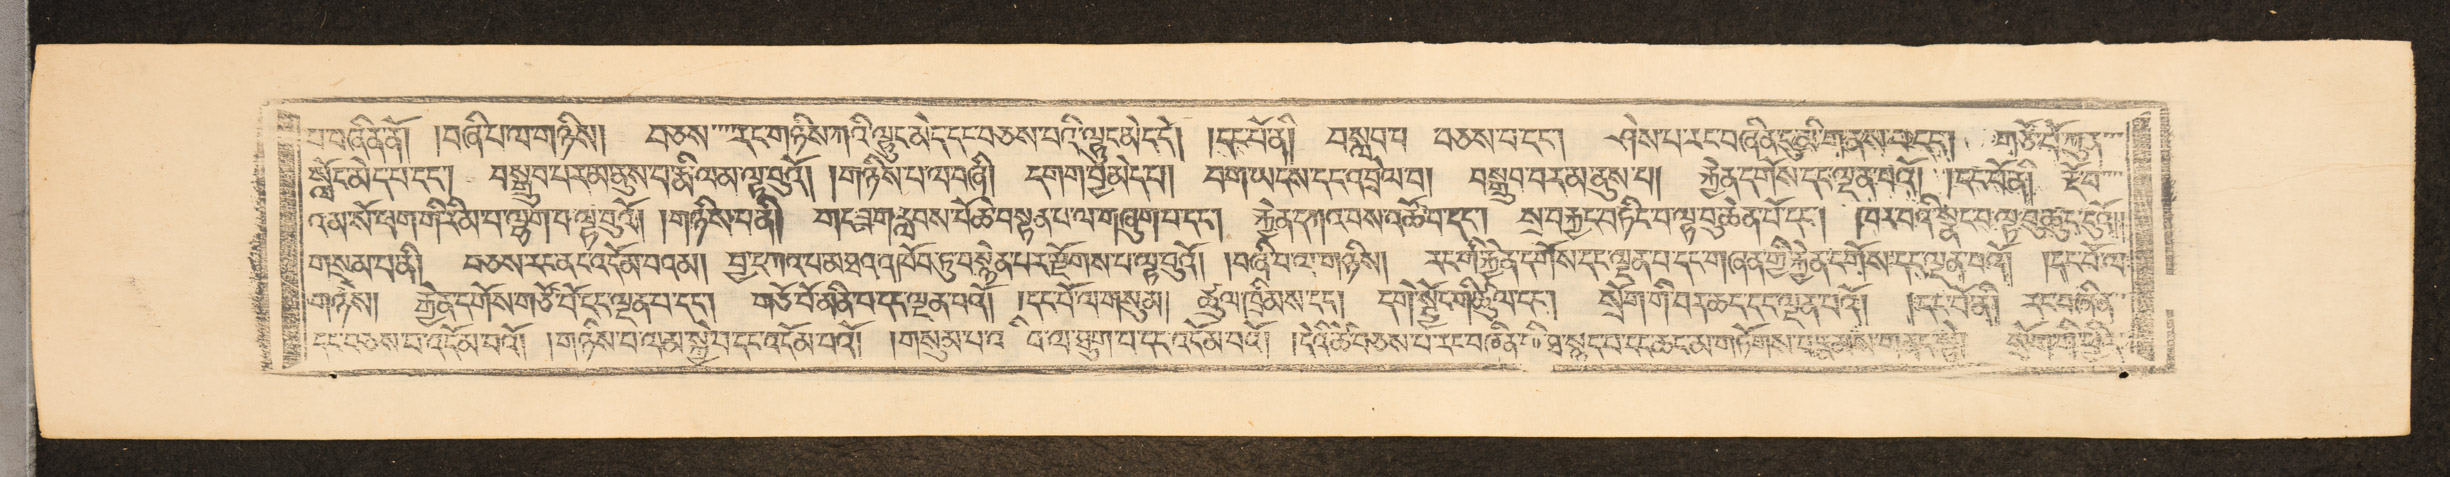པ་བཞིན་ནོ། །བཞི་པ་ལ་གཉིས། བཅས་རང་གཉིས་ཀའི་ལྟུང་མེད་དང་བཅས་པའི་ལྟུང་མེད་དོ། །དང་པོ་ནི། བསླབ་པམ་བཅས་པ་དང་། ཤེས་པ་རང་བཞིན་དུ་མི་གནས་པ་དང་། གཙོ་བོ་ཀུན་
སློང་མེད་པ་དང་། བསྒྲུབ་པར་མི་ནུས་པ་རྨི་ལམ་ལྟ་བུའོ། །གཉིས་པ་ལ་བཞི། དགག་བྱ་མེད་པ། བག་ཡངས་དང་འབྲེལ་བ། བསྒྲུབ་པར་མ་ནུས་པ། རྐྱེན་དགོས་དང་ལྡན་པའོ། །དང་པོ་ནི། རྡོ་བ་
འམ་སོ་ཕག་གི་རིམ་པ་ལྷག་པ་ལྟ་བུའོ། །གཉིས་པ་ནི། གང་ཟག་རླབས་པོ་ཆེ་བསྟན་པ་ལ་གཞུག་པ་དང་། རྐྱེན་དཀའ་བས་འཚོ་བ་དང་། སྲ་བརྐྱང་བཏིང་བ་ལྟ་བུ་ཆེན་པོ་དང་། ཁར་བའི་སྣང་བ་ལྟ་བུ་ཆུང་དུའོ།།
གསུམ་པ་ནི། བཅས་རང་ནད་འདོམ་པའམ། བྱ་དཀའ་བ་མཐའ་འཁོབ་ཏུ་བསྙེན་པར་རྫོགས་པ་ལྟ་བུའོ། །བཞི་པ་ལ་གཉིས། རང་གི་རྐྱེན་དགོས་དང་ལྡན་པ་དང་གཞན་གྱི་རྐྱེན་དགོས་དང་ལྡན་པའོ། །དང་པོ་ལ་
གཉིས། རྐྱེན་དགོས་གཙོ་བོ་དང་ལྡན་པ་དང་། གཙོ་བོ་མིན་པ་དང་ལྡན་པའོ། །དང་པོ་ལ་གསུམ། ཚུལ་ཁྲིམས་དང་། དགེ་སྦྱོང་གི་ཚུལ་དང་། སྲོག་གི་བར་ཆད་དང་ལྡན་པའོ། །དང་པོ་ནི། རང་བཞིན་
དང་བཅས་པ་འཇོམ་པའོ། །གཉིས་པ་ལམ་སྐྱེ་བ་དང་འདོམ་པའོ། །གསུམ་པ་འཆི་བ་ལ་ཐུག་པ་དང་འདོམ་བའོ། །དེའི་ཚེ་བཅས་པ་རང་བཞིན་གྱི་ཐ་སྙད་པ་དང་ཆདང་མ་གཏོགས་པ་རྣམས་གནན་སྟེ། སྲོག་གི་ཕྱིར་